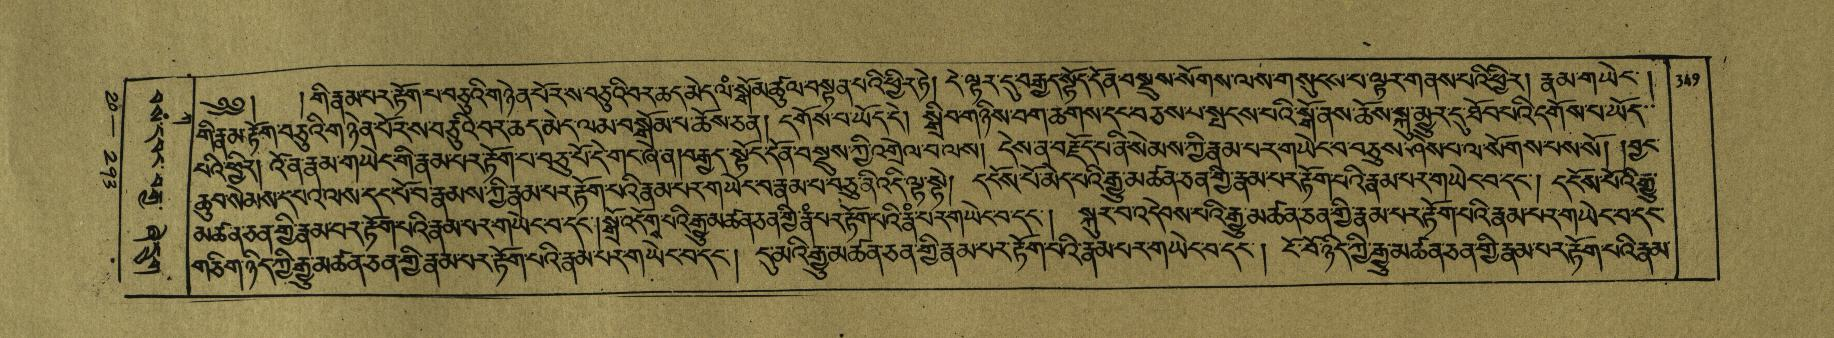༄༅། །གི་རྣམ་པར་རྟོག་པ་བཅུའི་གཉེན་པོར་ས་བཅུའི་བར་ཆད་མེད་ལཾ་སྒོམ་ཚུལ་བསྟན་པའི་ཕྱིར་ཏེ། དེ་ལྟར་དུ་བརྒྱད་སྟོད་དོན་བསྡུས་སོགས་ལས་གསུངས་པ་ལྟར་གནས་པའི་ཕྱིར། རྣམ་གཡེང་།
གི་རྣམ་རྟོག་བཅུའི་གཉེན་པོར་ས་བཅུའི་བར་ཆད་མེད་ལམ་བསྒོམ་པ་ཆོས་ཅན། དགོས་པ་ཡོད་དེ། སྒྲིབ་གཉིས་བག་ཆགས་དང་བཅས་པ་སྤངས་པའི་སྒོ་ནས་ཆོས་སྐུ་མྱུར་དུ་ཐོབ་པའི་དགོས་པ་ཡོད་
པའི་ཕྱིར། འོ་ན་རྣམ་གཡེང་གི་རྣམ་པར་རྟོག་པ་བཅུ་པོ་དེ་གང་ཞེ་ན། བརྒྱད་སྟོང་དོན་བསྡུས་ཀྱི་འགྲེལ་བ་ལས། དེས་ན་བརྗོད་པ་ནི་སེམས་ཀྱི་རྣམ་པར་གཡེང་བ་བཅུས་ཤེས་པ་ལ་སོགས་པས་སོ། །བྱང་
ཆུབ་སེམས་དཔའ་ལས་དང་པོ་བ་རྣམས་ཀྱི་རྣམ་པར་རྟོག་པའི་རྣམ་པར་གཡེང་བ་རྣམ་པ་བཅུ་ནི་འདི་ལྟ་སྟེ། དངོས་པོ་མེད་པའི་རྒྱུ་མཚན་ཅན་གྱི་རྣམ་པར་རྟོག་པའི་རྣམ་པར་གཡེང་བ་དང་། དངོས་པོའི་རྒྱུ་
མཚན་ཅན་གྱི་རྣམ་པར་རྟོག་པའི་རྣམ་པར་གཡེང་བ་དང་། སྒྲོ་འདོགས་པའི་རྒྱུ་མཚན་ཅན་གྱི་རྣཾ་པར་རྟོག་པའི་རྣཾ་པར་གཡེང་བ་དང་། སྐུར་བ་འདེབས་པའི་རྒྱུ་མཚན་ཅན་གྱི་རྣམ་པར་རྟོག་པའི་རྣམ་པར་གཡེང་བ་དང་
གཅིག་ཉིད་ཀྱི་རྒྱུ་མཚན་ཅན་གྱི་རྣམ་པར་རྟོག་པའི་རྣམ་པར་གཡེང་བ་དང་། དུ་མའི་རྒྱུ་མཚན་ཅན་གྱི་རྣམ་པར་རྟོག་པའི་རྣམ་པར་གཡེང་བ་དང་། ངོ་བོ་ཉིད་ཀྱི་རྒྱུ་མཚན་ཅན་གྱི་རྣམ་པར་རྟོག་པའི་རྣམ་